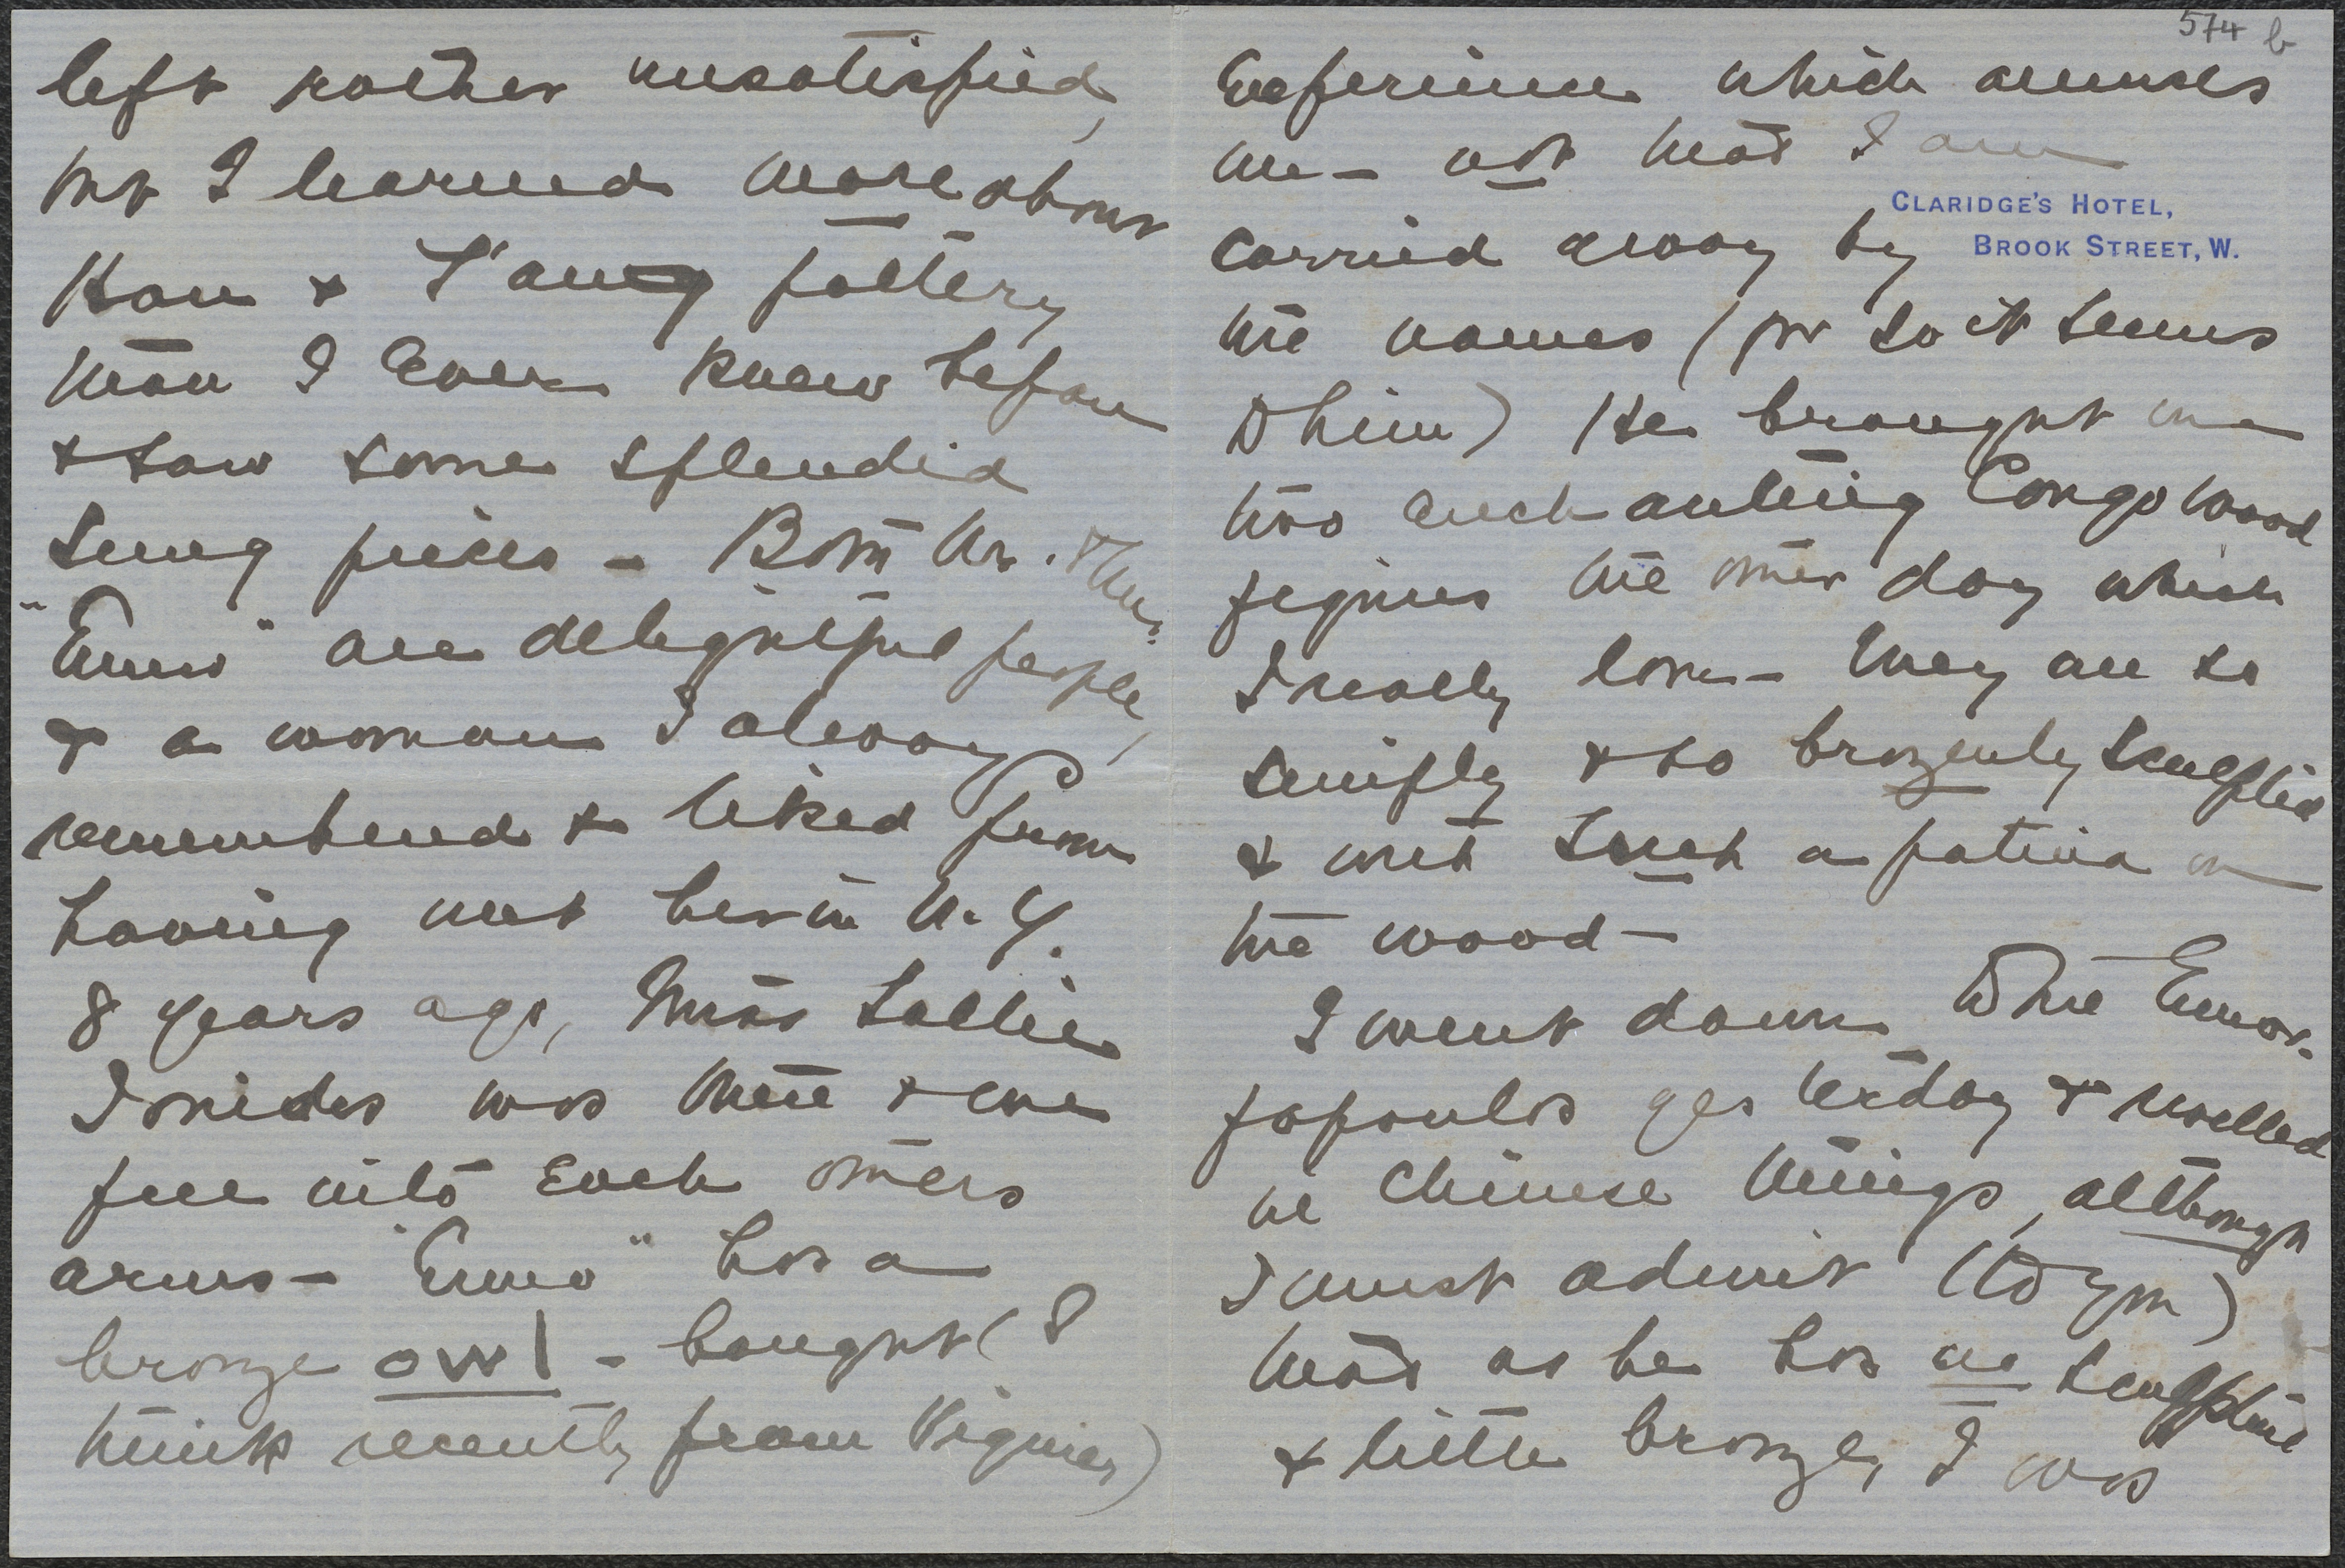experience which amuses me – not that I am carried away by the names (for so it seems to him) He brought me two enchanting Congo wood figures the other day which I really love – They are so simply & so brazenly sculpted & with such a patina on the wood –
I went down to the Eumorfopoulos yesterday & revelled in Chinese things, although I must admit (to you) that as he has [double underlined: no] sculpture & little bronzes, I was
left rather unsatisfied, but I learned more about Han & T’ang pottery than I ever knew before & saw some splendid Sung pieces – Both Mr & Mrs. “Ermo” are delightful people, & a woman I always remembered & liked from having met her in N.Y. 8 years ago, Miss Sallie Lonidas was there & we fell into each others arms – “Ermo” has a bronze [in secretarial script: owl] – bought (I think recently from Viguier)